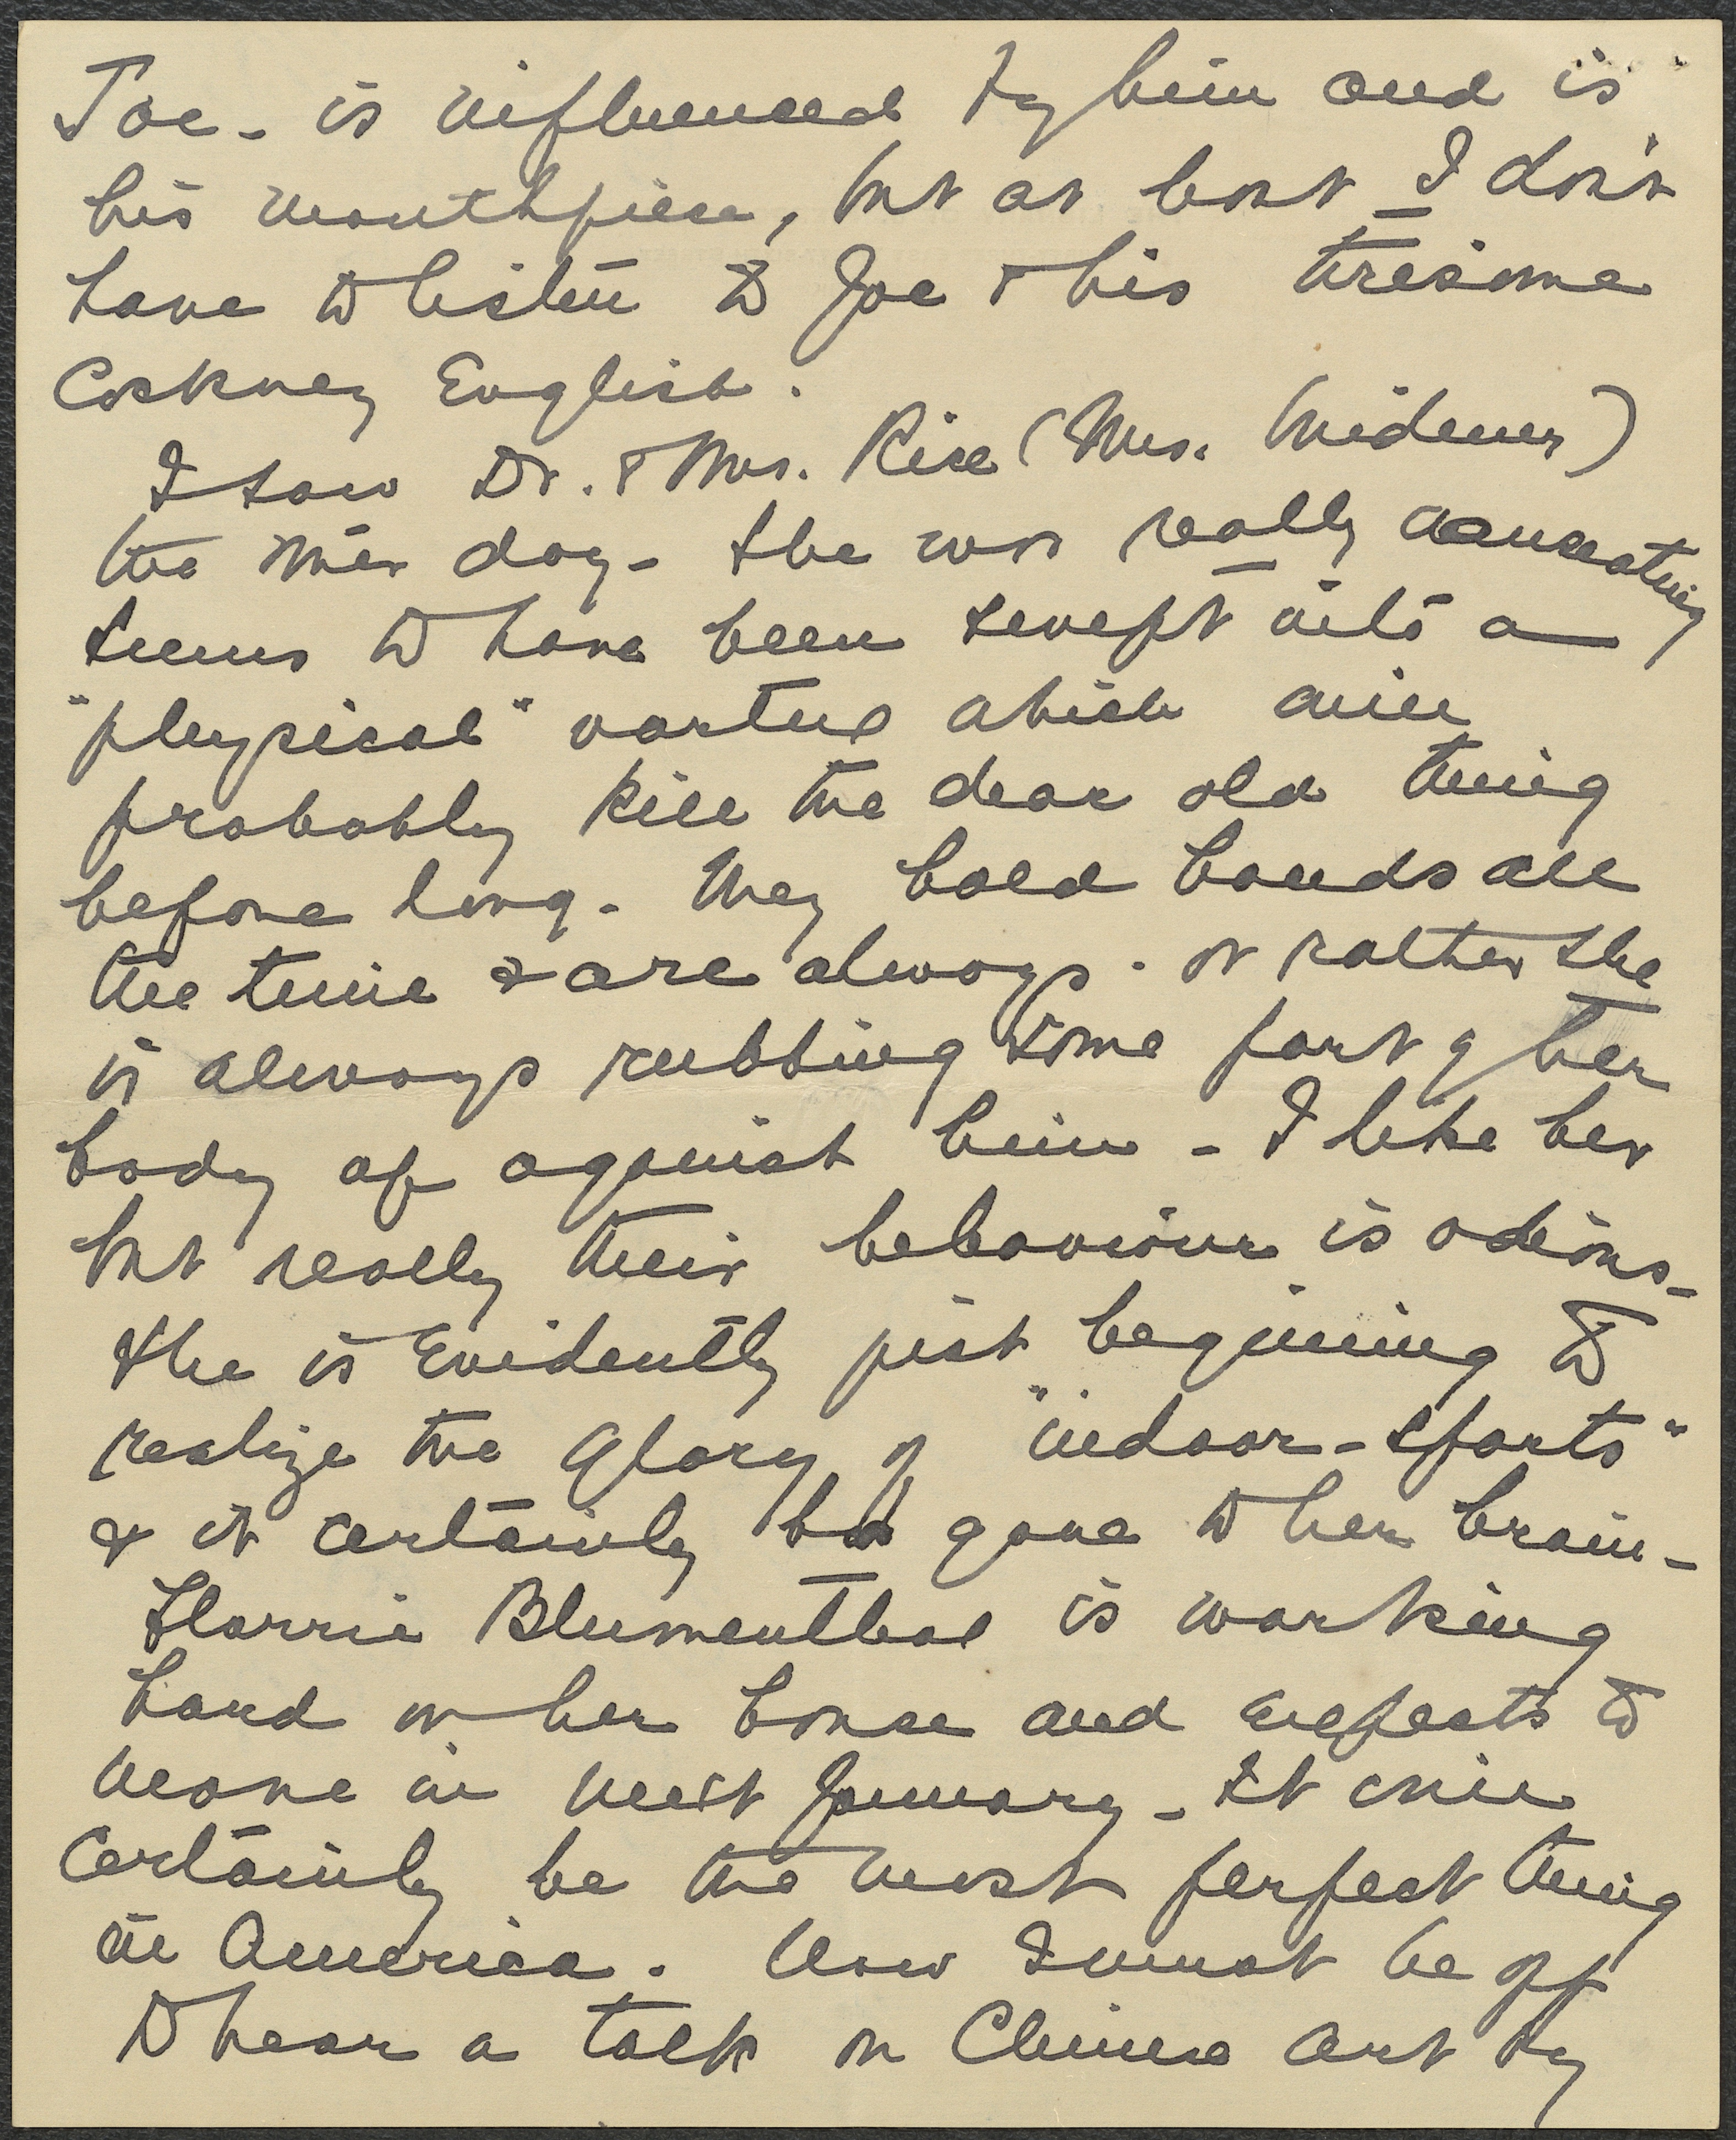Joe, is influenced by him and is his mouthpiece, but at least I don't have to listen to Joe & his tiresome cockney English.
I saw Dr. & Mrs. Rice (Mrs. Widener) the other day – She was really nauseating seems to have been swept into a "physical" vortex which will probably kill the dear old thing before long. They hold hands all the time & are always – or rather she is always rubbing some part of her body up against him – I like her but really their behaviour is odious – she is evidently just beginning to realize the glory of "indoor-sports" & it certainly has gone to her brain –
Florrie Blumenthal is working hard on her house and expects to move in next January – It will certainly be the most perfect thing in America. Now I must be off to hear a talk on Chinese Art by